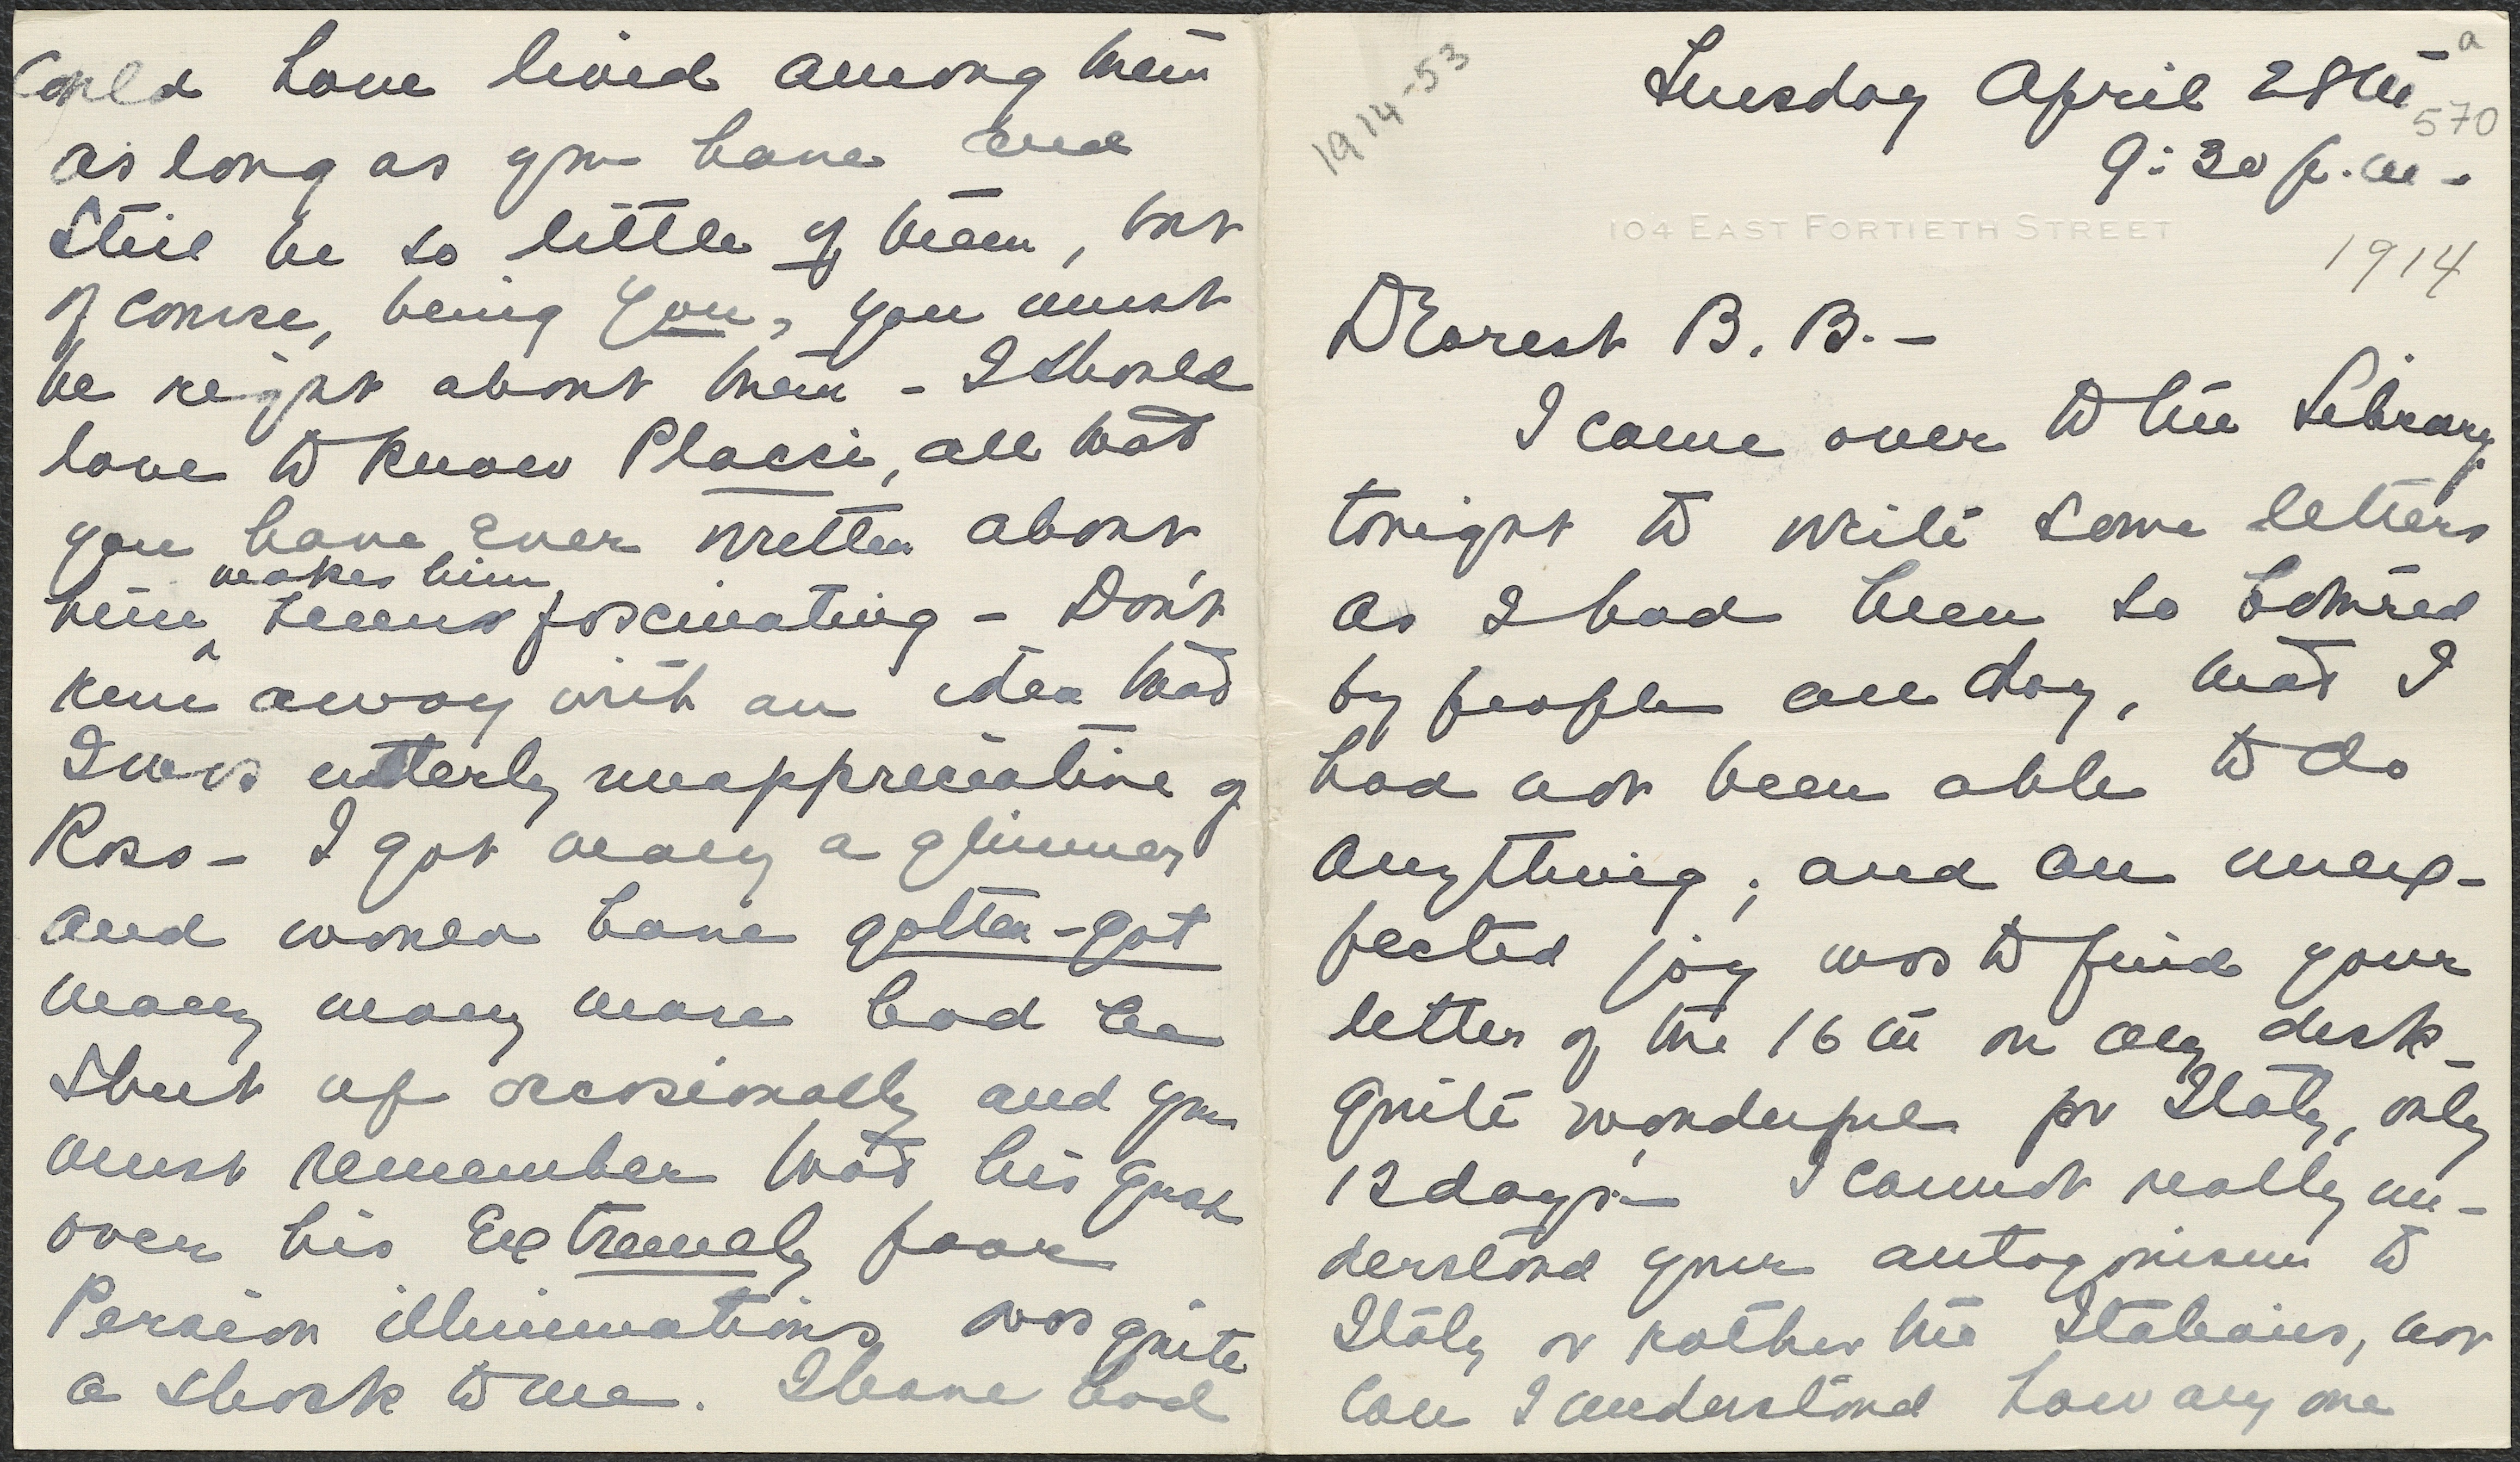Tuesday April 28th
9:30 p.m –
Dearest B.B. –
I came over to the Library tonight to write some letters as I had been so bothered by people all day, that I had not been able to do anything; and an unexpected joy was to find your letter of the 16th on my desk – quite wonderful for Italy, only 12 days – I cannot really understand your antagonism to Italy or rather the Italians, nor can I understand how any one
could have lived among them as long as you have and still be so little of them, but of course, being You, you must be right about them – I should love to know Placci, all that you have ever written about him [^makes him^] seems fascinating – Don’t run away with an idea that I was utterly unappreciative of Ross – I got many a glimmer and would have gotten-got many many more had he shut up occasionally and you must remember that his gush over his extremely poor Persian illuminations was quite a shock to me. I have had